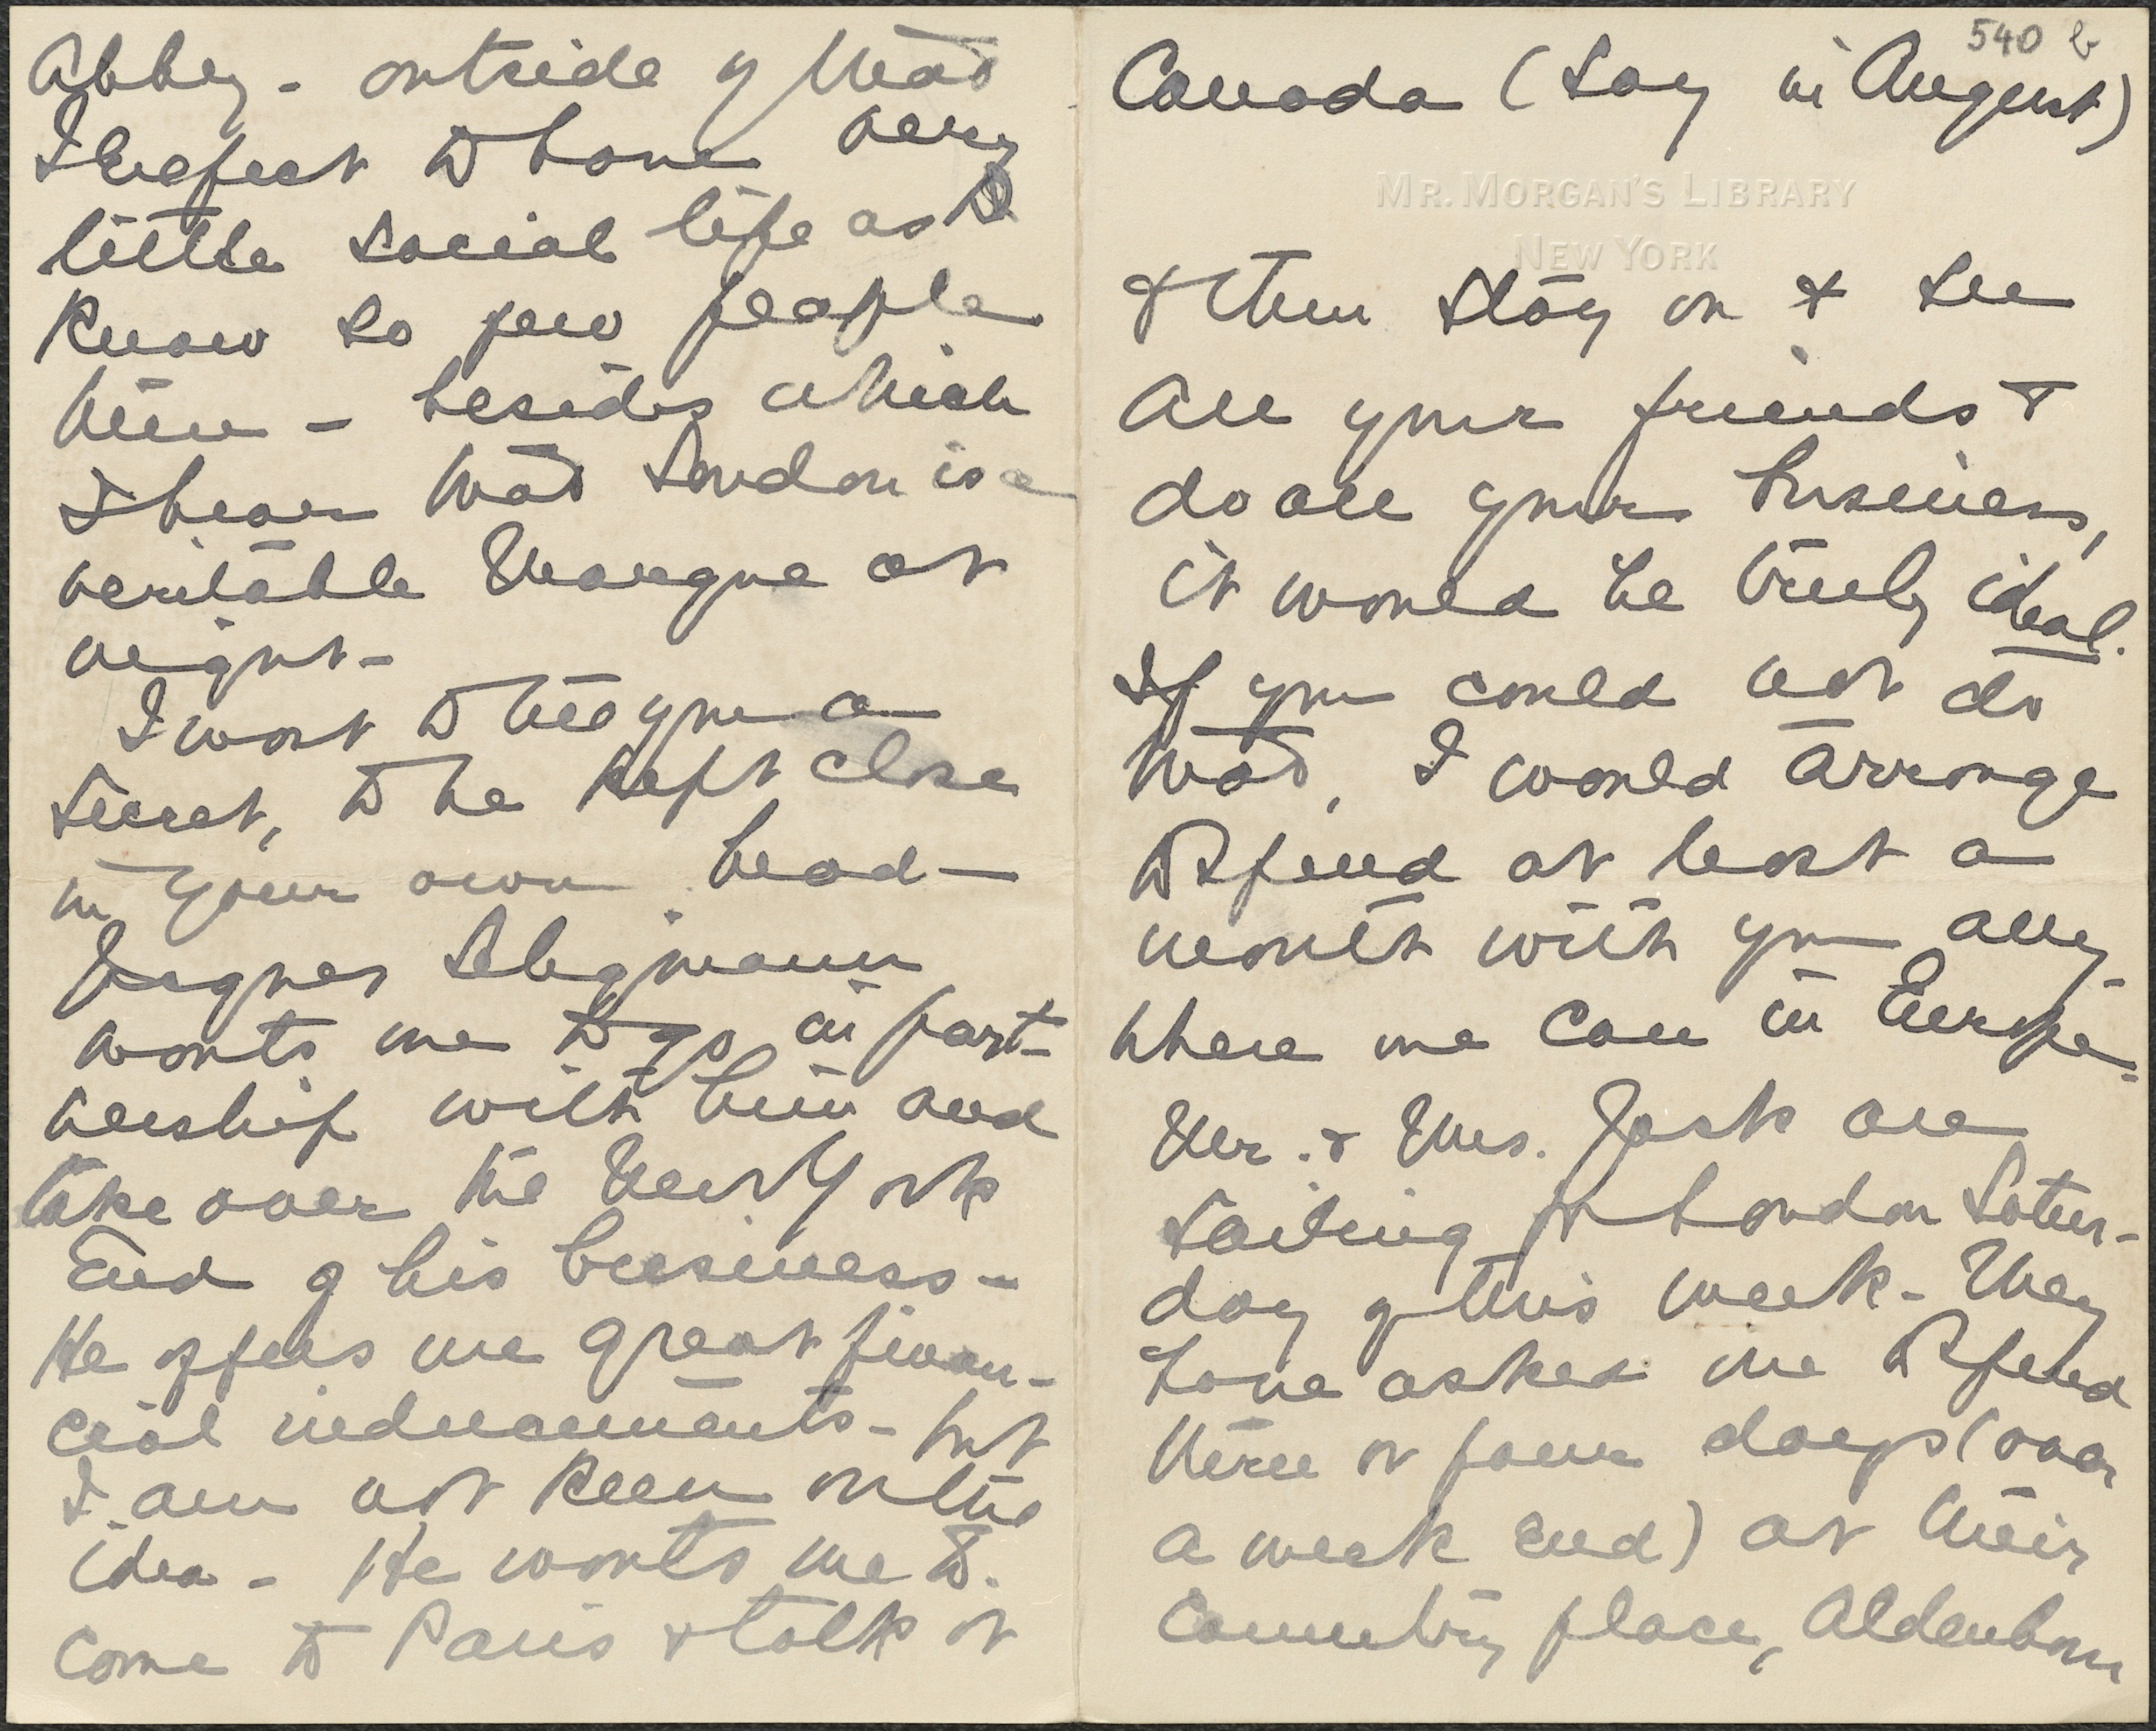Canada (say in August) & then stay on & see all your friends & do all your business, it would be truly ideal. If you could not do that, I could arrange to spend at least a month with you anywhere we can in Europe.
Mr. & Mrs. Jack are sailing for London Saturday of this week – they have asked me to spend three or four days (over a week end) at their country place, Aldenham
Abby – outside of that I expect to have very little social life as I know so few people there – besides which I hear that London is a veritable Morgue at night –
I want to tell you a secret, to be kept close in your own head – Jacques Seligmann wants me to go in partnership with him and take over the New York end of his business – He offers me great financial inducements – but I am not keen on the idea – He want me to come to Paris & talk it